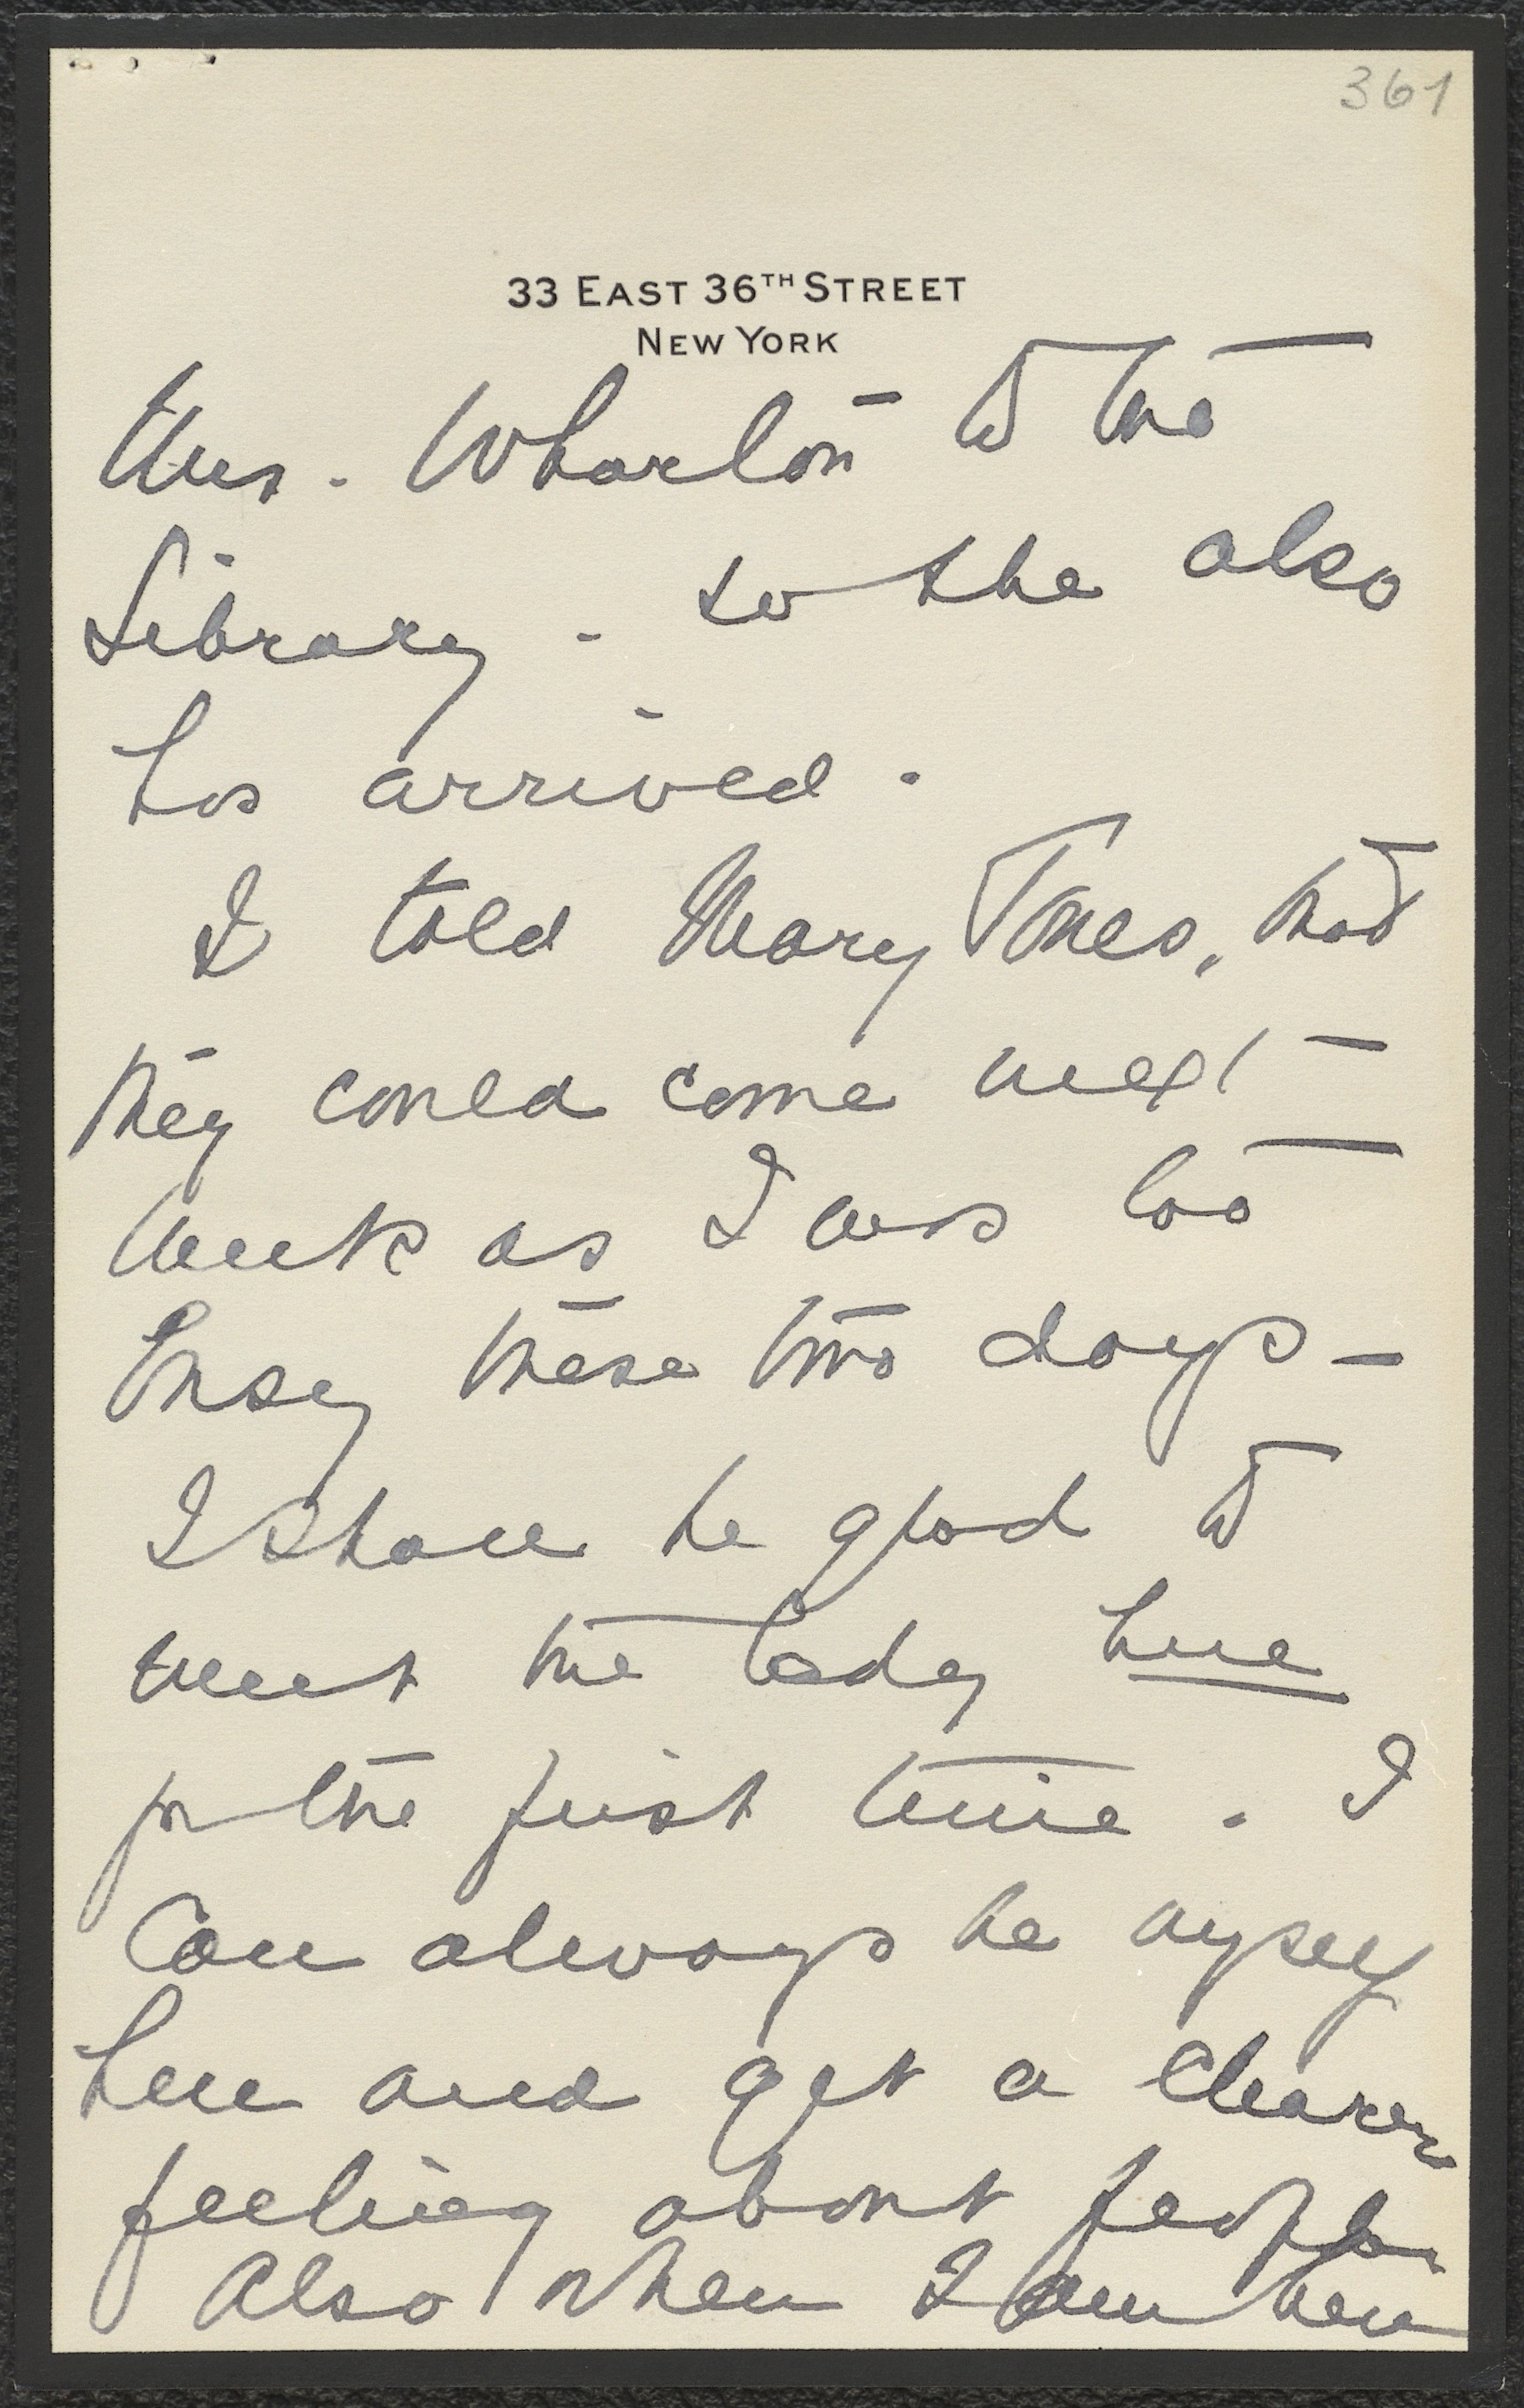Mrs. Wharton to the Library – so she also has arrived.
I told Mary Jones, that they could come next week as I was too busy these two days – I shall be glad to meet the lady here for the first time. I can always be myself here and get a clearer feeling about people. Also when I am here